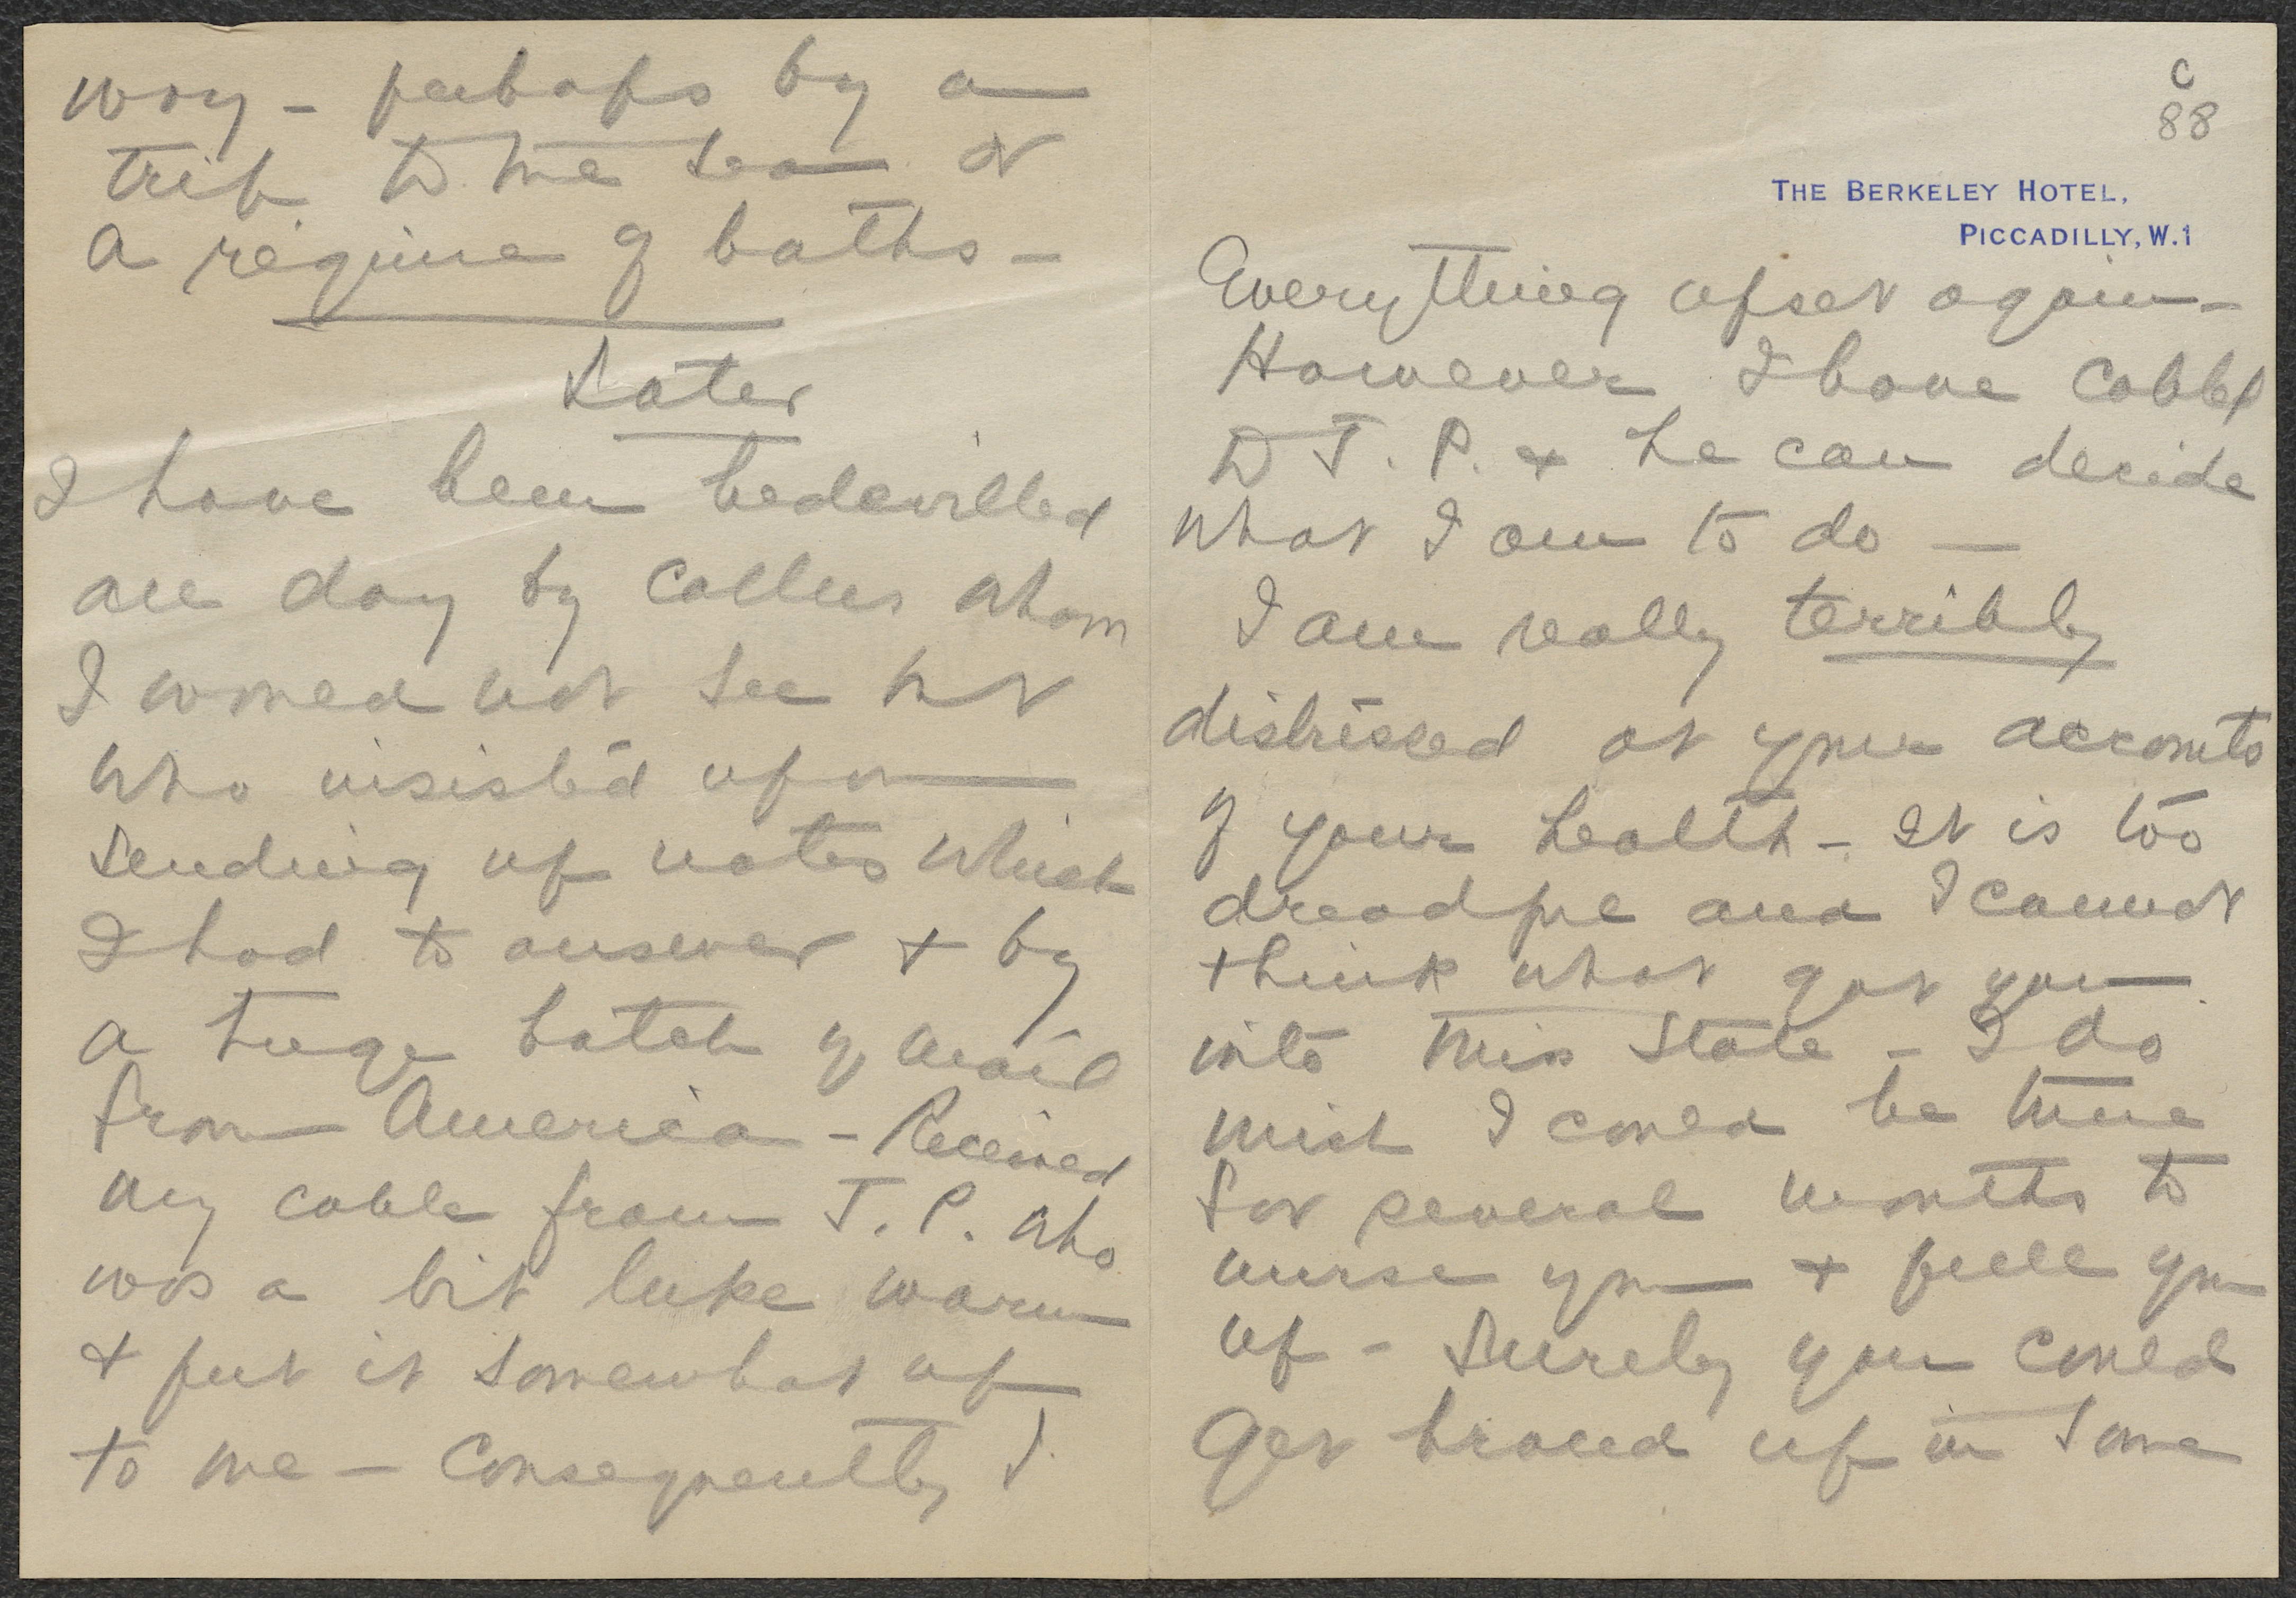Everything upset again –
However I have cabled to J.P. & he can decide what I am to do –
I am really terribly distressed at your accounts of your health – It is too dreadful and I cannot think what got you into this state – I do wish I could be there for several months to nurse you & pull you up – Surely you could get braced up in some
way – perhaps by a trip to the sea or a regime of baths –
Later
I have been bedevilled all day by callers whom I would see but who visited upon sending up notes which I had to answer & by a huge batch of mail from America – Received my cable from J.P. who was a bit luke warm & put it somewhat up to me – Consequently I